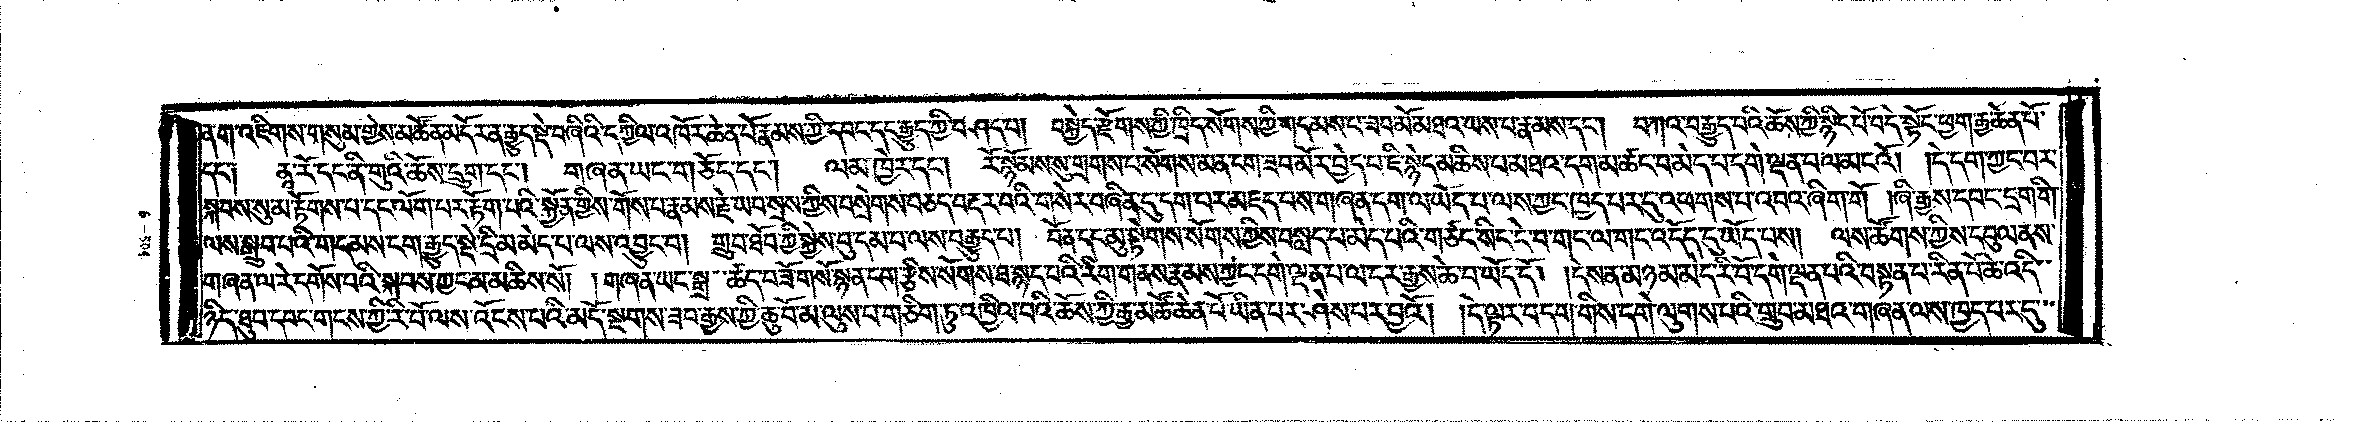གསུམ་གྱེས་མཚོན་མདོར་ན་རྒྱུད་སྡེ་བཞིའི་དཀྱིལ་འཁོར་ཆེན་པོ་རྣམས་ཀྱི་དབང་དང་རྒྱུད་ཀྱི་བཤད་པ། བསྐྱེད་རྫོགས་ཀྱི་ཁྲིད་སོགས་ཀྱི་གདམས་པ་ཟབ་མོ་མཐའ་ལས་པ་རྣམས་དང་། བཀའ་བརྒྱུད་པའི་ཆོས་ཀྱི་སྙིང་པོ་བདེ་སྟོང་ཕྱག་རྒྱ་ཆེན་པོ་
དང་། ནཱ་རོ་དང་ནི་གུའི་ཆོས་དྲུག་དང་། གཞན་ཡང་གཅོད་དང་། ལམ་ཁྱེར་དང་། རོ་སྙོམས་སུ་གྲགས་པ་སོགས་མན་ངག་ཟབ་མོར་བྱེད་པ་ཇི་སྙེད་མཆིས་པ་མཐའ་དག་མ་ཚང་བ་མེད་པ་དགེ་ལྡན་པ་ལ་མངའོ། །དེ་དག་ཀྱང་བར་
ནམས་སུ་མ་རྟོགས་པ་དང་ལོག་པར་རྟོག་པའི་སྐྱོན་གྱིས་གོས་པ་རྣམས་རྗེ་ཡབ་སྲས་ཀྱིས་བསྲེགས་བཅད་བརྡར་བའི་གསེར་བཞིན་དུ་དག་པར་མཛད་པས་གཞན་དག་ལ་ཡོད་པ་ལས་ཀྱང་ཁྱད་པར་དུ་འཕགས་པ་འབའ་ཞིག་གོ །ཞི་རྒྱས་དབང་དྲག་གི་
ལས་སྒྲུབ་པའི་གདམས་ངག་རྒྱུད་སྡེ་དྲི་མ་མེད་པ་ལས་འབྱུང་བ། གྲུབ་ཐོབ་ཀྱི་སྐྱེས་བུ་དམ་པ་ལས་བརྒྱུད་པ། བོན་དང་མུ་སྟེགས་སོགས་ཀྱིས་བསླད་པ་མེད་པའི་གཙང་སིང་དེ་བ་གང་ལ་གང་འདོད་དུ་ཡོད་པས། ལས་ཚོགས་ཀྱིས་དབུལ་ནས་
གཞན་ལ་རེ་དགོས་པའི་སྐབས་ཀྱང་མ་མཆིས་སོ། །གཞན་ཡང་སྒྲ་ཚད་བཟོ་གསོ་སྙན་ངག་རྩིས་སོགས་ཐ་སྙད་པའི་རིག་གནས་རྣམས་ཀྱང་དགེ་ལྡན་པ་ལ་དར་རྒྱས་ཆེ་བ་ཡོད་དོ། །དེས་ན་མཉམ་མེད་རི་བོ་དགེ་ལྡན་པའི་བསྟན་པ་རིན་པོ་ཆེ་འདི་
ཉིད་ཐུབ་དབང་གངས་ཀྱི་རི་བོ་ལས་འོངས་པའི་མདོ་སྔགས་ཟབ་རྒྱས་ཀྱི་ཆུ་བོ་མ་ལུས་པ་གཅིག་ཏུ་འཁྱིལ་པའི་ཆོས་ཀྱི་རྒྱ་མཚོ་ཆེན་པོ་ཡིན་པར་ཤེས་པར་བྱའོ། །དེ་ལྟར་བདག་གིས་དགེ་ལུགས་པའི་གྲུབ་མཐའ་གཞན་ལས་ཁྱད་པར་དུ་